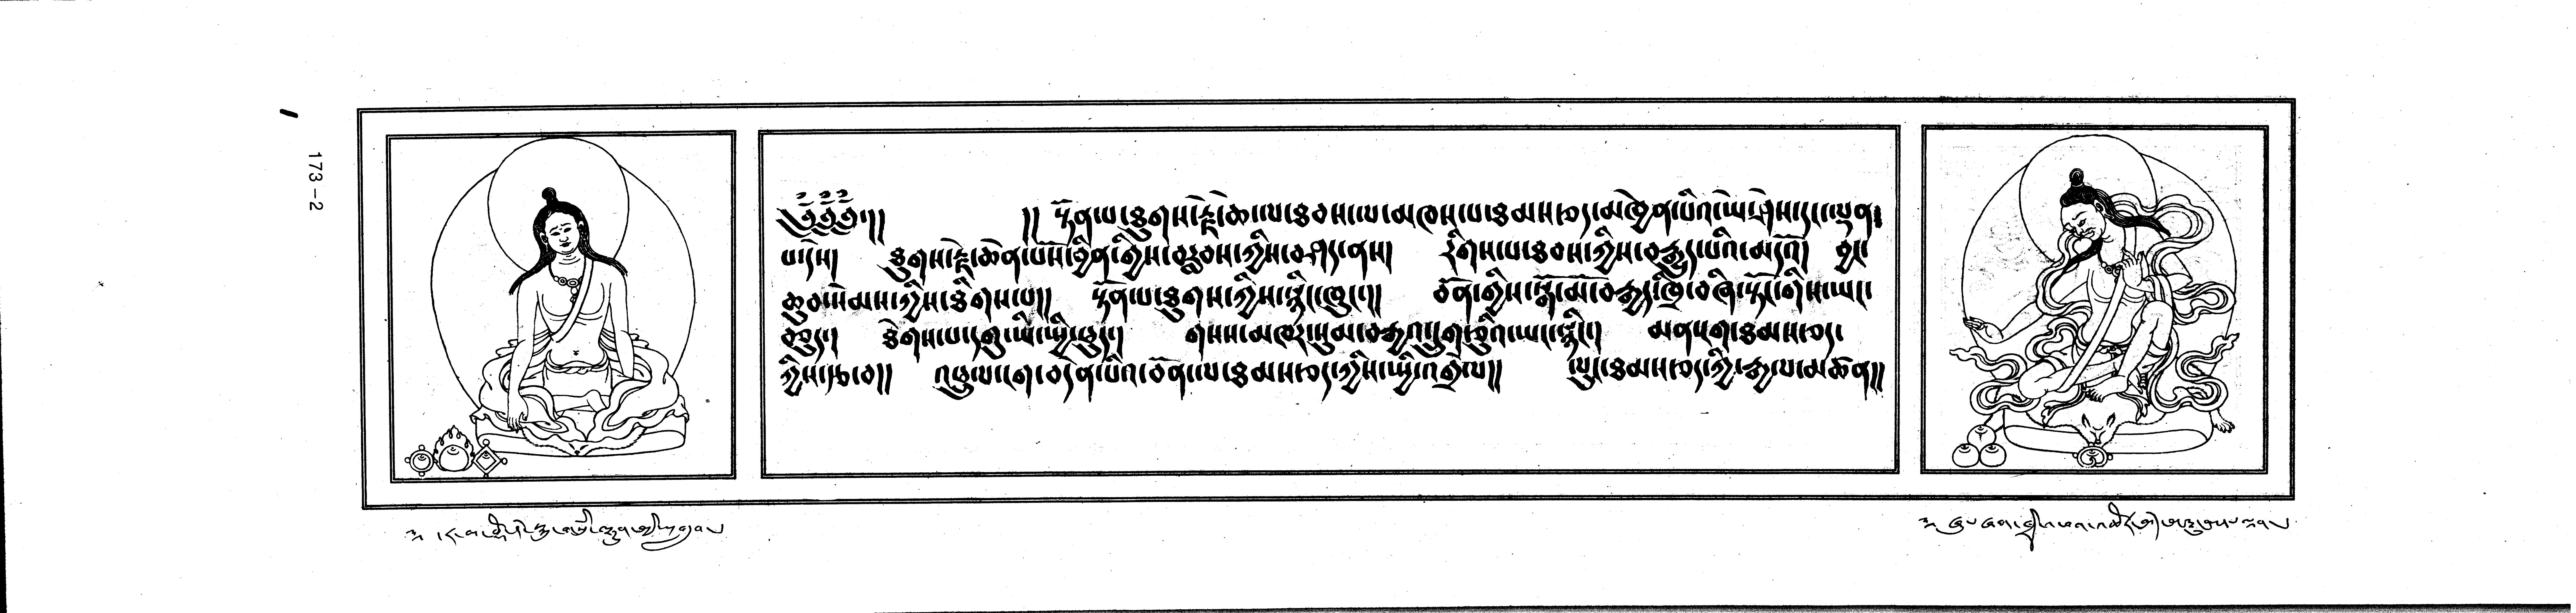༄༅།། སྟོན་པ་ཐུགས་རྗེ་ཆེ་ལ་ཐབས་མཁས་པ་ཐམས་ཅད་མཁྱེན་པའི་ཡེ་ཤེས་དང་ལྡན་
པ་དེས། ཐུགས་རྗེ་ཆེན་པོས་བྱིན་གྱིས་བརླབས་ནས་བཤད་ནས། རིགས་པ་ཐབས་ཀྱིས་བརྒྱུད་པའི་མདོ། བྱང་
ཆུབ་སེམས་ཀྱི་ཐིགས་པ། སྟོན་པ་ཐུགས་ཀྱི་སྙིང་ཁུ། བོན་གྱི་སྒོ་མོ་བརྒྱད་ཁྲི་བཞི་སྟོང་གི་ཡང་
བཅུད། ཐེག་པ་དགུ་ཡི་སྤྱི་ཕུད། གསས་མཁར་སུམ་བརྒྱ་དྲུག་ཅུའི་ཡང་སྙིང་། མན་ངག་ཐམས་ཅད་
ཀྱི་རྩ་བ། འཕྲུལ་ངག་བདེན་པའི་བོན་ཐམས་ཅད་ཀྱི་སྤྱི་འགྲེལ། ལུང་ཐམས་ཅད་ཀྱི་རྒྱལ་མཚན་